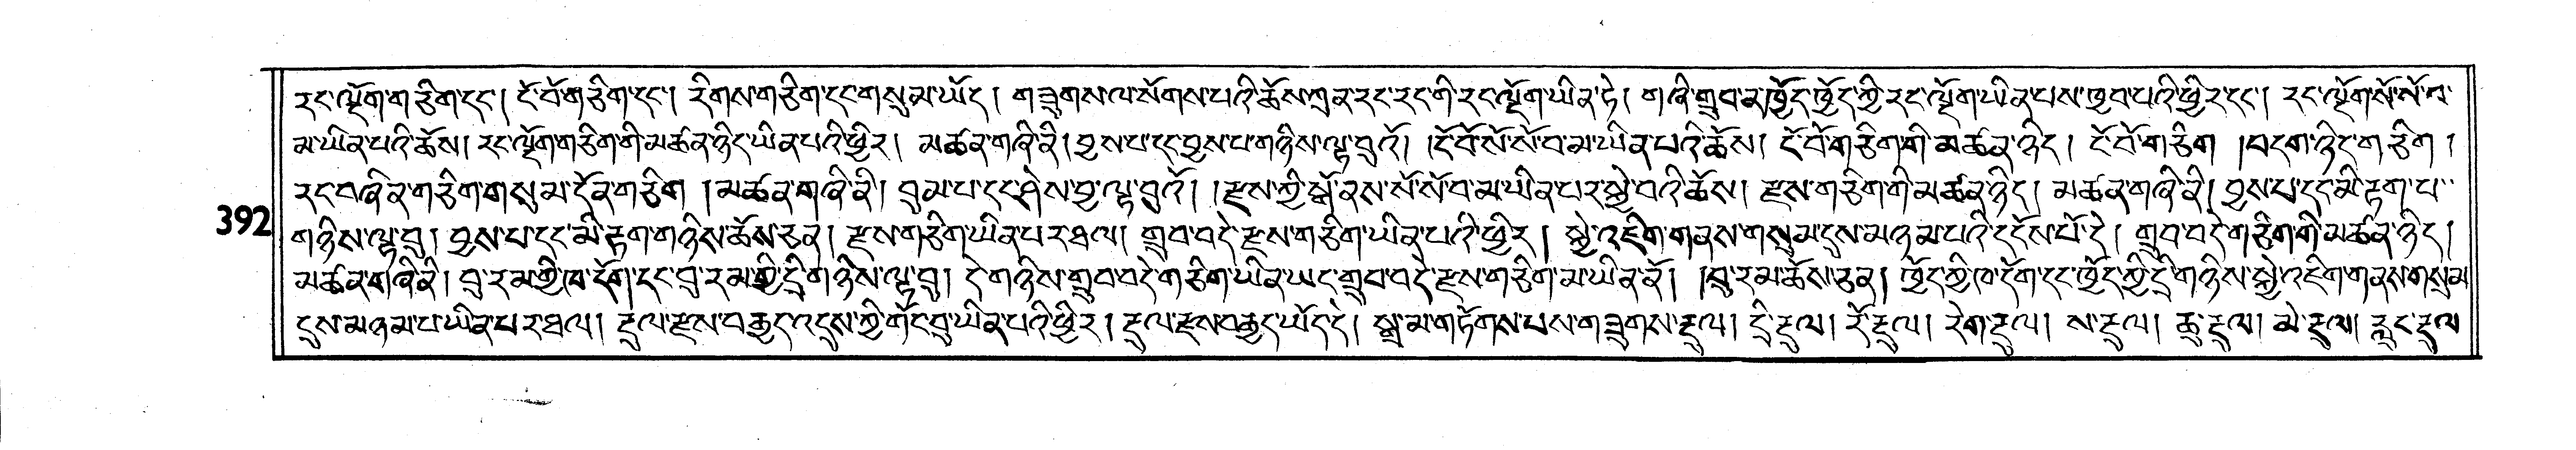རང་ལྡོག་གཅིག་དང་། ངོ་བོ་གཅིག་དང་། རིགས་གཅིག་དང་གསུམ་ཡོད། གཟུགས་ལ་སོགས་པའི་ཆོས་ཀུན་རང་རང་གི་རང་ལྡོག་ཡིན་ཏེ། གཞི་གྲུབ་ན་ཁྱོད་ཀྱི་རང་ལྡོག་ཡིན་པས་ཁྱབ་པའི་ཕྱིར་དང་། རང་ལྡོག་སོ་སོ་བ་
མ་ཡིན་པའི་ཆོས། རང་ལྡོག་གཅིག་གི་མཚན་ཉིད་ཡིན་པའི་ཕྱིར། མཚན་གཞི་ནི། བྱས་པ་དང་བྱས་པ་གཉིས་ལྟ་བུའོ། །ངོ་བོ་སོ་སོ་བ་མ་ཡིན་པའི་ཆོས། ངོ་བོ་གཅིག་གི་མཚན་ཉིད། ངོ་བོ་གཅིག །བདག་ཉིད་གཅིག།
རང་བཞིན་གཅིག་གསུམ་དོན་གཅིག །མཚན་གཞི་ནི། བུམ་པ་དང་ཤེས་བྱ་ལྟ་བུའོ། །རྫས་ཀྱི་སྒོ་ནས་སོ་སོ་བ་མ་ཡིན་པར་སྐྱེ་བའི་ཆོས། རྫས་གཅིག་གི་མཚན་ཉིད། མཚན་གཞི་ནི། བྱས་པ་དང་མི་རྟག་པ་
གཉིས་ལྟ་བུ། བྱས་པ་དང་མི་རྟག་གཉིས་ཆོས་ཅན། རྫས་གཅིག་ཡིན་པར་ཐལ། གྲུབ་བདེ་རྫས་གཅིག་ཡིན་པའི་ཕྱིར། སྐྱེ་འཇིག་གནས་གསུམ་དུས་མཉམ་པའི་དངོས་པོ་དེ། གྲུབ་བདེ་གཅིག་གི་མཚན་ཉིད།
མཚན་གཞི་ནི། བུ་རམ་གྱི་ཁ་དོག་དང་བུ་རམ་གྱི་དྲི་གཉིས་ལྟ་བུ། དེ་གཉིས་གྲུབ་བདེ་གཅིག་ཡིན་ཡང་གྲུབ་བདེ་རྫས་གཅིག་མ་ཡིན་ནོ། །བུ་རམ་ཆོས་ཅན། ཁྱོད་ཀྱི་ཁ་དོག་དང་ཁྱོད་ཀྱི་གཉིས་སྐྱེ་འཇིག་གནས་གསུམ་
དུས་མཉམ་པ་ཡིན་པར་ཐལ། རྟུལ་རྫས་བརྒྱད་འདུས་ཀྱི་གོང་བུ་ཡིན་པའི་ཕྱིར། རྟུལ་རྡས་བརྒྱད་ཡོད་དེ། སྒ་མ་གཏོགས་པས་གཟུགས་རྟུལ། དྲི་རྟུལ། རོ་རྟུལ། རེག་རྟུལ། ས་རྟུལ། ཆུ་རྟུལ། མེ་རྟུལ། རླུང་རྟུལ་